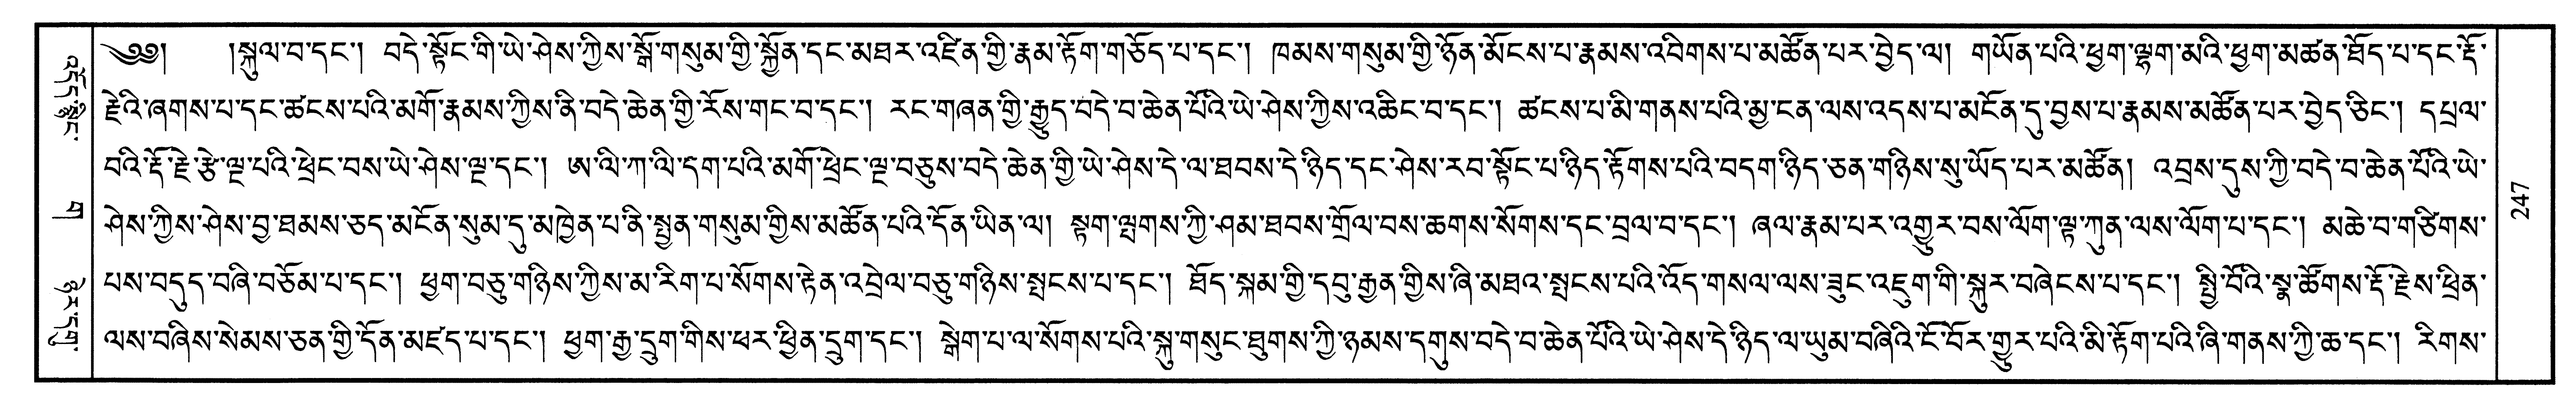༄༅། །སྐུལ་བ་དང་། བདེ་སྟོང་གི་ཡེ་ཤེས་ཀྱིས་སྒོ་གསུམ་གྱི་སྐྱོན་དང་མཐར་འཛིན་གྱི་རྣམ་རྟོག་གཅོད་པ་དང་། ཁམས་གསུམ་གྱི་ཉོན་མོངས་པ་རྣམས་འབིགས་པ་མཚོན་པར་བྱེད་ལ། གཡོན་པའི་ཕྱག་ལྷག་མའི་ཕྱག་མཚན་ཐོད་པ་དང་རྡོ་
རྗེའི་ཞགས་པ་དང་ཚངས་པའི་མགོ་རྣམས་ཀྱིས་ནི་བདེ་ཆེན་གྱི་རོས་གང་བ་དང་། རང་གཞན་གྱི་རྒྱུད་བདེ་བ་ཆེན་པོའི་ཡེ་ཤེས་ཀྱིས་འཆིང་བ་དང་། ཚངས་པ་མི་གནས་པའི་མྱ་ངན་ལས་འདས་པ་མངོན་དུ་བྱས་པ་རྣམས་མཚོན་པར་བྱེད་ཅིང་། དཔྲལ་
བའི་རྡོ་རྗེ་རྩེ་ལྔ་པའི་ཕྲེང་བས་ཡེ་ཤེས་ལྔ་དང་། ཨ་ལི་ཀ་ལི་དག་པའི་མགོ་ཕྲེང་ལྔ་བཅུས་བདེ་ཆེན་གྱི་ཡེ་ཤེས་དེ་ལ་ཐབས་དེ་ཉིད་དང་ཤེས་རབ་སྟོང་པ་ཉིད་རྟོགས་པའི་བདག་ཉིད་ཅན་གཉིས་སུ་ཡོད་པར་མཚོན། འབྲས་དུས་ཀྱི་བདེ་བ་ཆེན་པོའི་ཡེ་
ཤེས་ཀྱིས་ཤེས་བྱ་ཐམས་ཅད་མངོན་སུམ་དུ་མཁྱེན་པ་ནི་སྤྱན་གསུམ་གྱིས་མཚོན་པའི་དོན་ཡིན་ལ། སྟག་ལྤགས་ཀྱི་ཤམ་ཐབས་གྲོལ་བས་ཆགས་སོགས་དང་བྲལ་བ་དང་། ཞལ་རྣམ་པར་འགྱུར་བས་ལོག་ལྟ་ཀུན་ལས་ལོག་པ་དང་། མཆེ་བ་གཙིགས་
པས་བདུད་བཞི་བཅོམ་པ་དང་། ཕྱག་བཅུ་གཉིས་ཀྱིས་མ་རིག་པ་སོགས་རྟེན་འབྲེལ་བཅུ་གཉིས་སྤངས་པ་དང་། ཐོད་སྐམ་གྱི་དབུ་རྒྱན་གྱིས་ཞི་མཐའ་སྤངས་པའི་འོད་གསལ་ལས་ཟུང་འཇུག་གི་སྐུར་བཞེངས་པ་དང་། སྤྱི་བོའི་སྣ་ཚོགས་རྡོ་རྗེས་ཕྲིན་
ལས་བཞིས་སེམས་ཅན་གྱི་དོན་མཛད་པ་དང་། ཕྱག་རྒྱ་དྲུག་གིས་ཕར་ཕྱིན་དྲུག་དང་། སྒེག་པ་ལ་སོགས་པའི་སྐུ་གསུང་ཐུགས་ཀྱི་ཉམས་དགུས་བདེ་བ་ཆེན་པོའི་ཡེ་ཤེས་དེ་ཉིད་ལ་ཡུམ་བཞིའི་ངོ་བོར་གྱུར་པའི་མི་རྟོག་པའི་ཞི་གནས་ཀྱི་ཆ་དང་། རིགས་